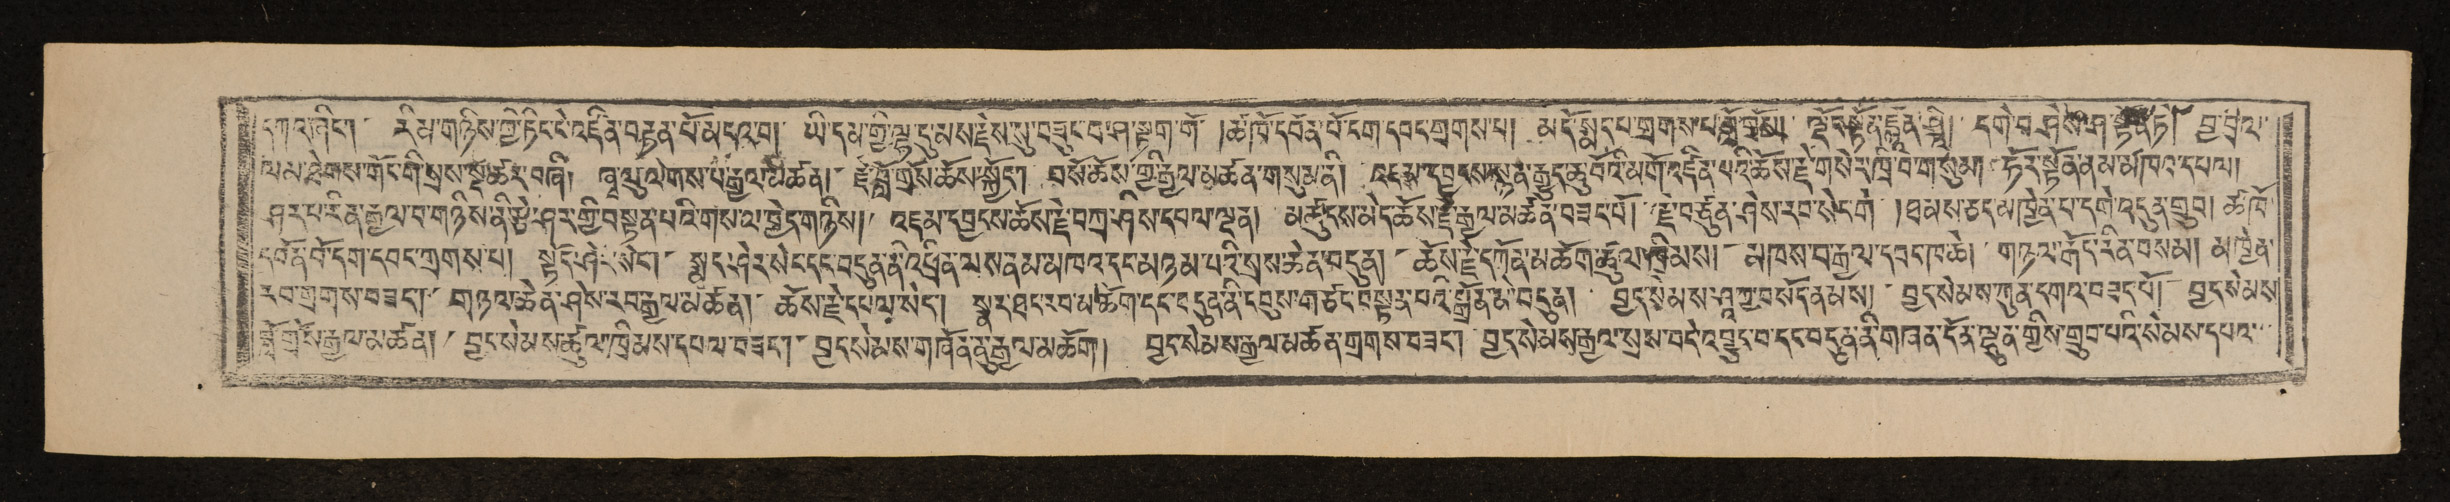དཀའ་ཞིང་། རིམ་གཉིས་ཀྱི་ཏིང་ངེ་འཛིན་བརྟན་པོ་མངའ་བ། ཡི་དམ་གྱི་ལྷ་དུ་མས་རྗེས་སུ་བཟུང་བ་ཤ་སྟག་གོ །ཚ་ཁོ་དཔོན་པོ་ངག་དབང་གྲགས་པ། མདོ་སྨད་པ་གྲགས་པ་བློ་གྲོས། ལྡོང་སྟོན་ཛྙཱ་ན་ཤྲཱི། དགེ་བཤེས་ཤ་སྟོན་ཏེ། བྱ་བྲལ་
ལ་མ་ཐེགས་གོང་གི་སྲས་སྔ་ཚར་བཞི། ཞྭ་ལུ་ལེགས་པ་རྒྱལ་མཚན། རྗེ་བློ་གྲོས་ཆོས་སྐྱོང་། བ་སོ་ཆོས་ཀྱི་རྒྱལ་མཚན་གསུམ་ནི། འཇམ་དབྱངས་སྙན་རྒྱུད་ཆུ་བོའི་མགོ་འཛིན་པའི་ཆོས་རྗེ་གསེར་ཁྲི་བ་གསུམ། ཧོར་སྟོན་ནམ་མཁའ་དཔལ།
ཤར་པ་རིན་རྒྱལ་བ་གཉིས་ནི་རྩེ་ཤར་གྱི་བསྟན་པའི་གསལ་བྱེད་གཉིས། འཇམ་དབྱངས་ཆོས་རྗེ་བཀྲ་ཤིས་དཔལ་ལྡན། མཚུངས་མེད་ཆོས་རྗེ་རྒྱལ་མཚན་བཟང་པོ། རྗེ་བཙུན་ཤེས་རབ་སེང་གེ །ཐམས་ཅད་མཁྱེན་པ་དགེ་འདུན་གྲུབ། ཚ་ཁོ་
དཔོན་པོ་ངག་དབང་གྲགས་པ། སྟོད་ཤེར་སེང་། སྨད་ཤེར་སེང་དང་བདུན་ནི་འཕྲིན་ལས་ནམ་མཁའ་དང་མཉམ་པའི་སྲས་ཆེན་བདུན། ཆོས་རྗེ་དཀོན་མཆོག་ཚུལ་ཁྲིམས། མཁས་པ་རྒྱལ་དབང་ཁ་ཆེ། གཉལ་རྒོད་རིན་བསམ། མཁྱེན་
རབ་གྲགས་བཟང་། གཉལ་ཆེན་ཤེས་རབ་རྒྱལ་མཚན། ཆོས་རྗེ་དཔལ་སེང་། སྣར་ཐང་རབ་མཆོག་དང་བདུན་ནི་དབུས་གཙང་བསྟན་པའི་སྒྲོན་མེ་བདུན། བྱང་སེམས་ཤཱཀྱ་བསོད་ནམས། བྱང་སེམས་ཀུན་དགའ་བཟང་པོ། བྱང་སེམས་
བློ་གྲོས་རྒྱལ་མཚན། བྱང་སེམས་ཚུལ་ཁྲིམས་དཔལ་བཟང་། བྱང་སེམས་གཞོན་ནུ་རྒྱལ་མཆོག། བྱང་སེམས་རྒྱལ་མཚན་གྲགས་བཟང་། བྱང་སེམས་རྒྱལ་སྲས་བདེ་འབྱུང་བ་དང་བདུན་ནི་གཞན་དོན་ལྷུན་གྱིས་གྲུབ་པའི་སེམས་དཔའ་